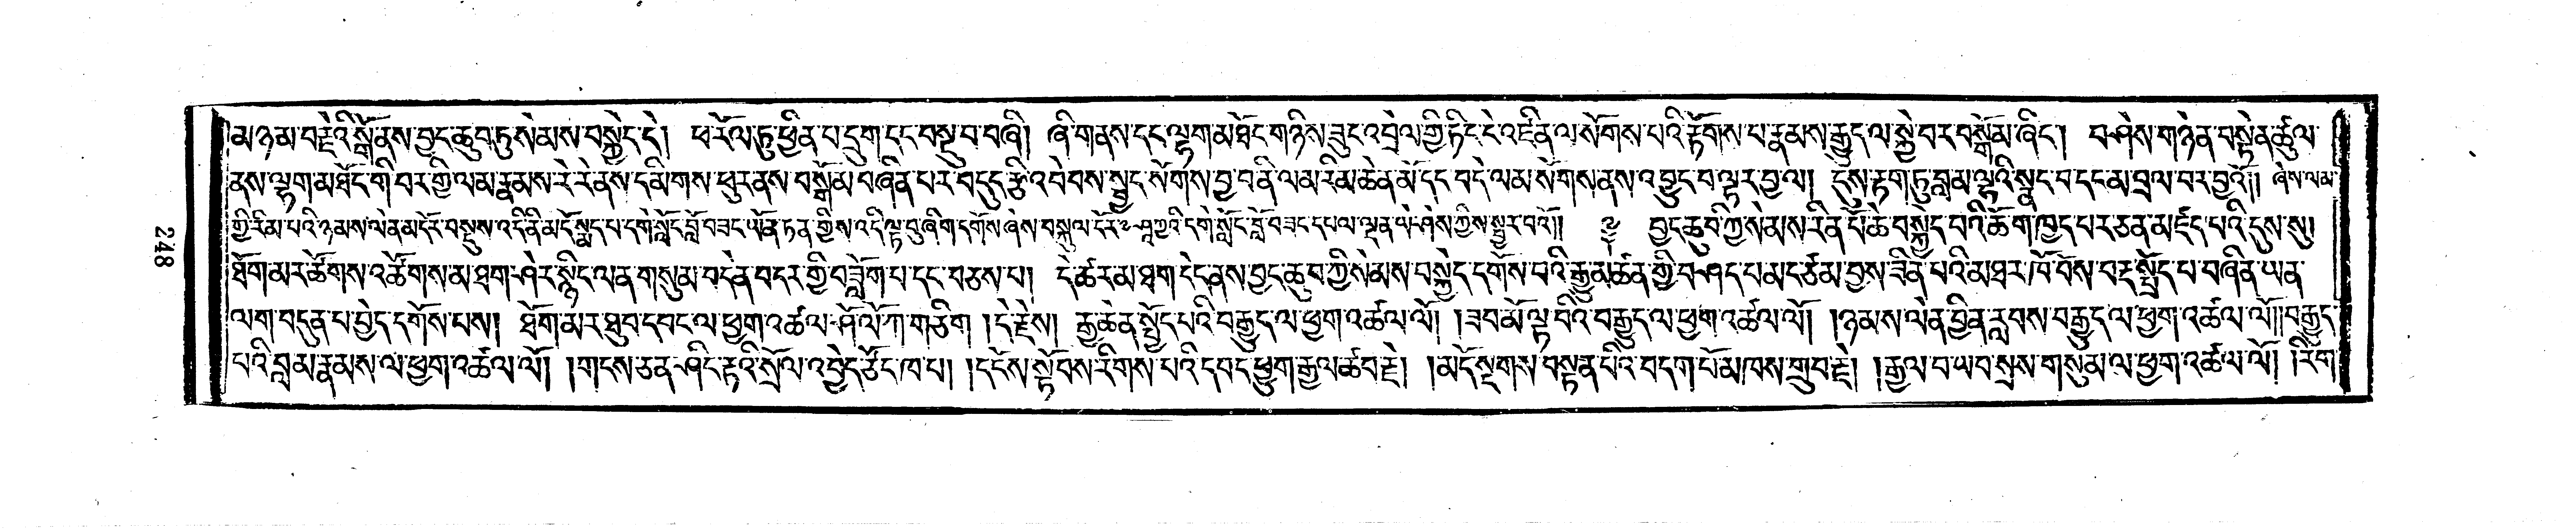མཉམ་བརྗེའི་སྒོ་ནས་བྱང་ཆུབ་ཏུ་སེམས་བསྐྱེད་དེ། ཕ་རོལ་ཏུ་ཕྱིན་པ་དྲུག་དང་བསྡུ་བ་བཞི། ཞི་གནས་དང་ལྷག་མཐོང་གཉིས་ཟུང་འབྲེལ་གྱི་ཏིང་ངེ་འཛིན་ལ་སོགས་པའི་རྟོགས་པ་རྣམས་རྒྱུད་ལ་སྐྱེ་བར་བསྒོམ་ཞིང་། བཤེས་གཉེན་བསྟེན་ཚུལ་
ནས་ལྷག་མཐོང་གི་བར་གྱི་ལམ་རྣམས་རེ་རེ་ནས་དམིགས་ཕུར་ནས་བསྒོམ་བཞིན་པར་བདུད་རྩི་འབེབས་སྦྱང་སོགས་བྱ་བ་ནི་ལམ་རིམ་ཆེན་མོ་དང་བདེ་ལམ་སོགས་ནས་འབྱུང་བ་ལྟར་བྱ་ལ། དུས་རྟག་ཏུ་བླ་མ་ལྷའི་སྣང་བ་དང་མ་བྲལ་བར་བྱའོ།། ཞེས་ལམ་
གྱི་རིམ་པའི་ཉམས་ལེན་མདོར་བསྡུས་འདི་ནི་མདོ་སྨད་པ་དགེ་སློང་བློ་བཟང་ཡོན་ཏན་གྱིས་འདི་ལྟ་བུ་ཞིག་དགོས་ཞེས་བསྐུལ་ངོར་༧་ཤཱཀྱའི་དགེ་སློང་བློ་བཟང་དཔལ་ལྡན་ཡེ་ཤེས་ཀྱིས་སྦྱར་བའོ།། ༈ བྱང་ཆུབ་ཀྱི་སེམས་རིན་པོ་ཆེ་བསྐྱེད་པའི་ཆོ་ག་ཁྱད་པར་ཅན་མཛད་པའི་དུས་སུ།
ཐོག་མར་ཚོགས་འཚོགས་མ་ཐག་ཤེར་སྙིང་ལན་གསུམ་བདེན་བ་དར་གྱི་བཟློག་པ་དང་བཅས་པ། དེ་ཚར་མ་ཐག་དེད་ནས་བྱང་ཆུབ་ཀྱི་སེམས་བསྐྱེད་དགོས་པའི་རྒྱུ་མཚན་གྱི་བཤད་པ་མང་ཙམ་བྱས་ཟིན་པའི་མཐར་ཁོ་བོས་བརྡ་སྤྲོད་པ་བཞིན་ཡན་
ལག་བདུན་པ་བྱེད་དགོས་པས། ཐོག་མར་ཐུབ་དབང་ལ་ཕྱག་འཚལ་ཤོ་ལོ་ཀ་གཅིག །དེ་རྗེས། རྒྱ་ཆེན་སྤྱོད་པའི་བརྒྱུད་ལ་ཕྱག་འཚལ་ལོ། །ཟབ་མོ་ལྟ་བའི་བརྒྱུད་ལ་ཕྱག་འཚལ་ལོ། །ཉམས་ལེན་བྱིན་རླབས་བརྒྱུད་ལ་ཕྱག་འཚལ་ལོ། །བརྒྱུད་
པའི་བླ་མ་རྣམས་ལ་ཕྱག་འཚལ་ལོ། །གངས་ཅན་ཤིང་རྟའི་སྲོལ་འབྱེད་ཙོང་ཁ་པ། །དངོས་སྟོབས་རིགས་པའི་དབང་ཕྱུག་རྒྱལ་ཚབ་རྗེ། །མདོ་སྔགས་བསྟན་པའི་བདག་པོ་མཁས་གྲུབ་རྗེ། །རྒྱལ་བ་ཡབ་སྲས་གསུམ་ལ་ཕྱག་འཚལ་ལོ། །རིག་